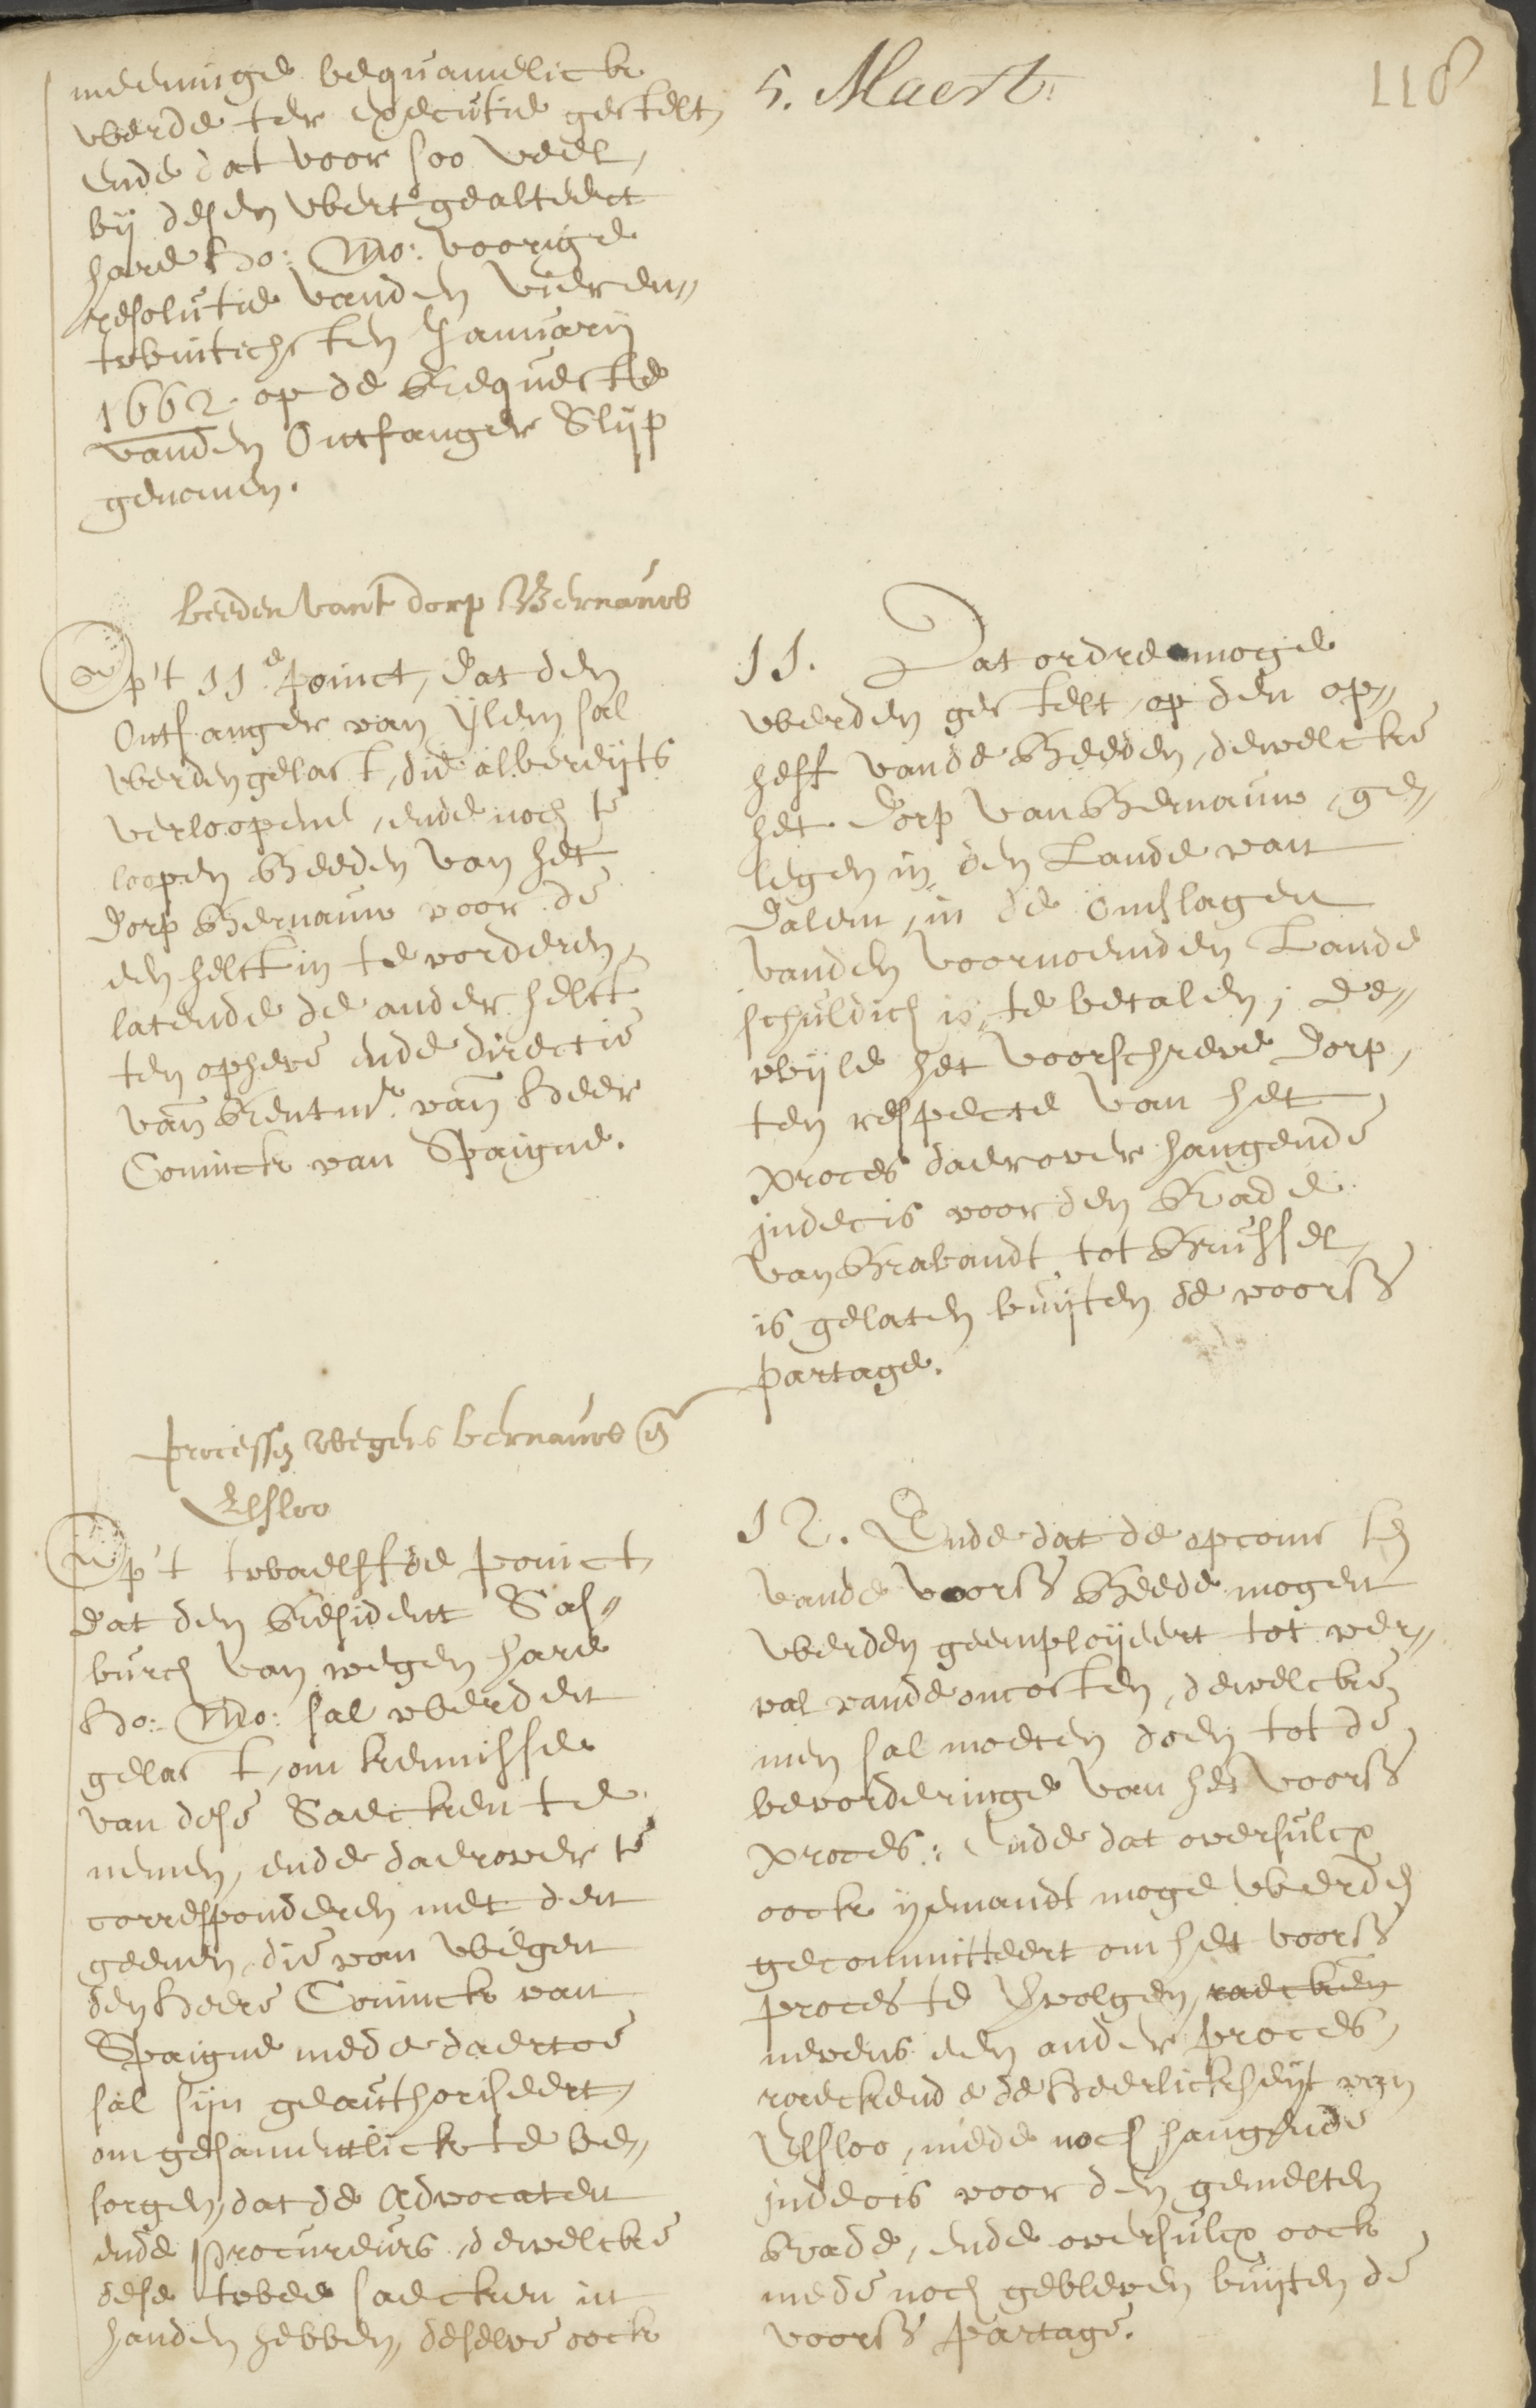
118
5. Maert.
meeninge bequamelick
werde ter executie gestelt,
ende dat voor soo veel
bij desen wert gealteert
hare Ho:Mo: voorige
resolutie vanden vieren„
twintichsten Januarij
1662 op de Requeste
vanden Ontfanger Slijp
genomen.
Beeden vant dorp Bernauw
Opt 11e poinct, dat den
Ontfanger van Ylem sal
werden gelast, die albereijts
verloopene, ende noch t
loopen Beeden van het
dorp Bernauw voor de
een helft in te vorderen
latende de ander helft
ten opheve ende directie
van Rentmr. van Heer
Coninck van Spaigne.
Processen wegens Bernauw &
Elsloo.
Op 't twaelffde poinct,
dat den Resident Sas,,
burch van wegen hare
Ho:Mo: sal werden
gelast, om kennisse
van dese Saecken te
nemen, ende daerover te
corresponderen met den
geenen, die van wegen
den Heere Coninck van
Spaigne mede daertoe
sal sijn geauthoriseert,
om gesamentlick te be„
sorgen, dat de advocaten
ende Procureurs, dewelcke
dese twee saecken in
handen hebben, deselve oock
11. Dat ordre moge
werden gestelt, op den op„
heff vande Beeden, dewelcke
het dorp van Bernauw, ge,,
legen in den Lande van
dalem, in de omslagen
vanden voornoemden Lande
schuldich is te betalen; de,,
wijle het voorschreve dorp
ten respecte van het
proces daerover hangende
indecis voor den Rade
van Brabandt tot Brussel
is gelaten buijten de voors
partage.
12. Ende dat de opcomste
vande voors Beede mogen
werden geemploijeert tot ver,,
val vande oncosten, dewelcke
men sal moeten doen tot de
bevorderinge van het voors
proces; ende dat oversulcx
oock ijemandt moge werde
gecommitteert om het voors.
proces te vvolgen, raecken
nevens een ander proces,
raeckende de Heerlickheijt van
Elsloo, mede noch hangende
indecis voor den gemelten
Rade, ende oversulcx oock
mede noch gebleven buijten de
voors partage.
